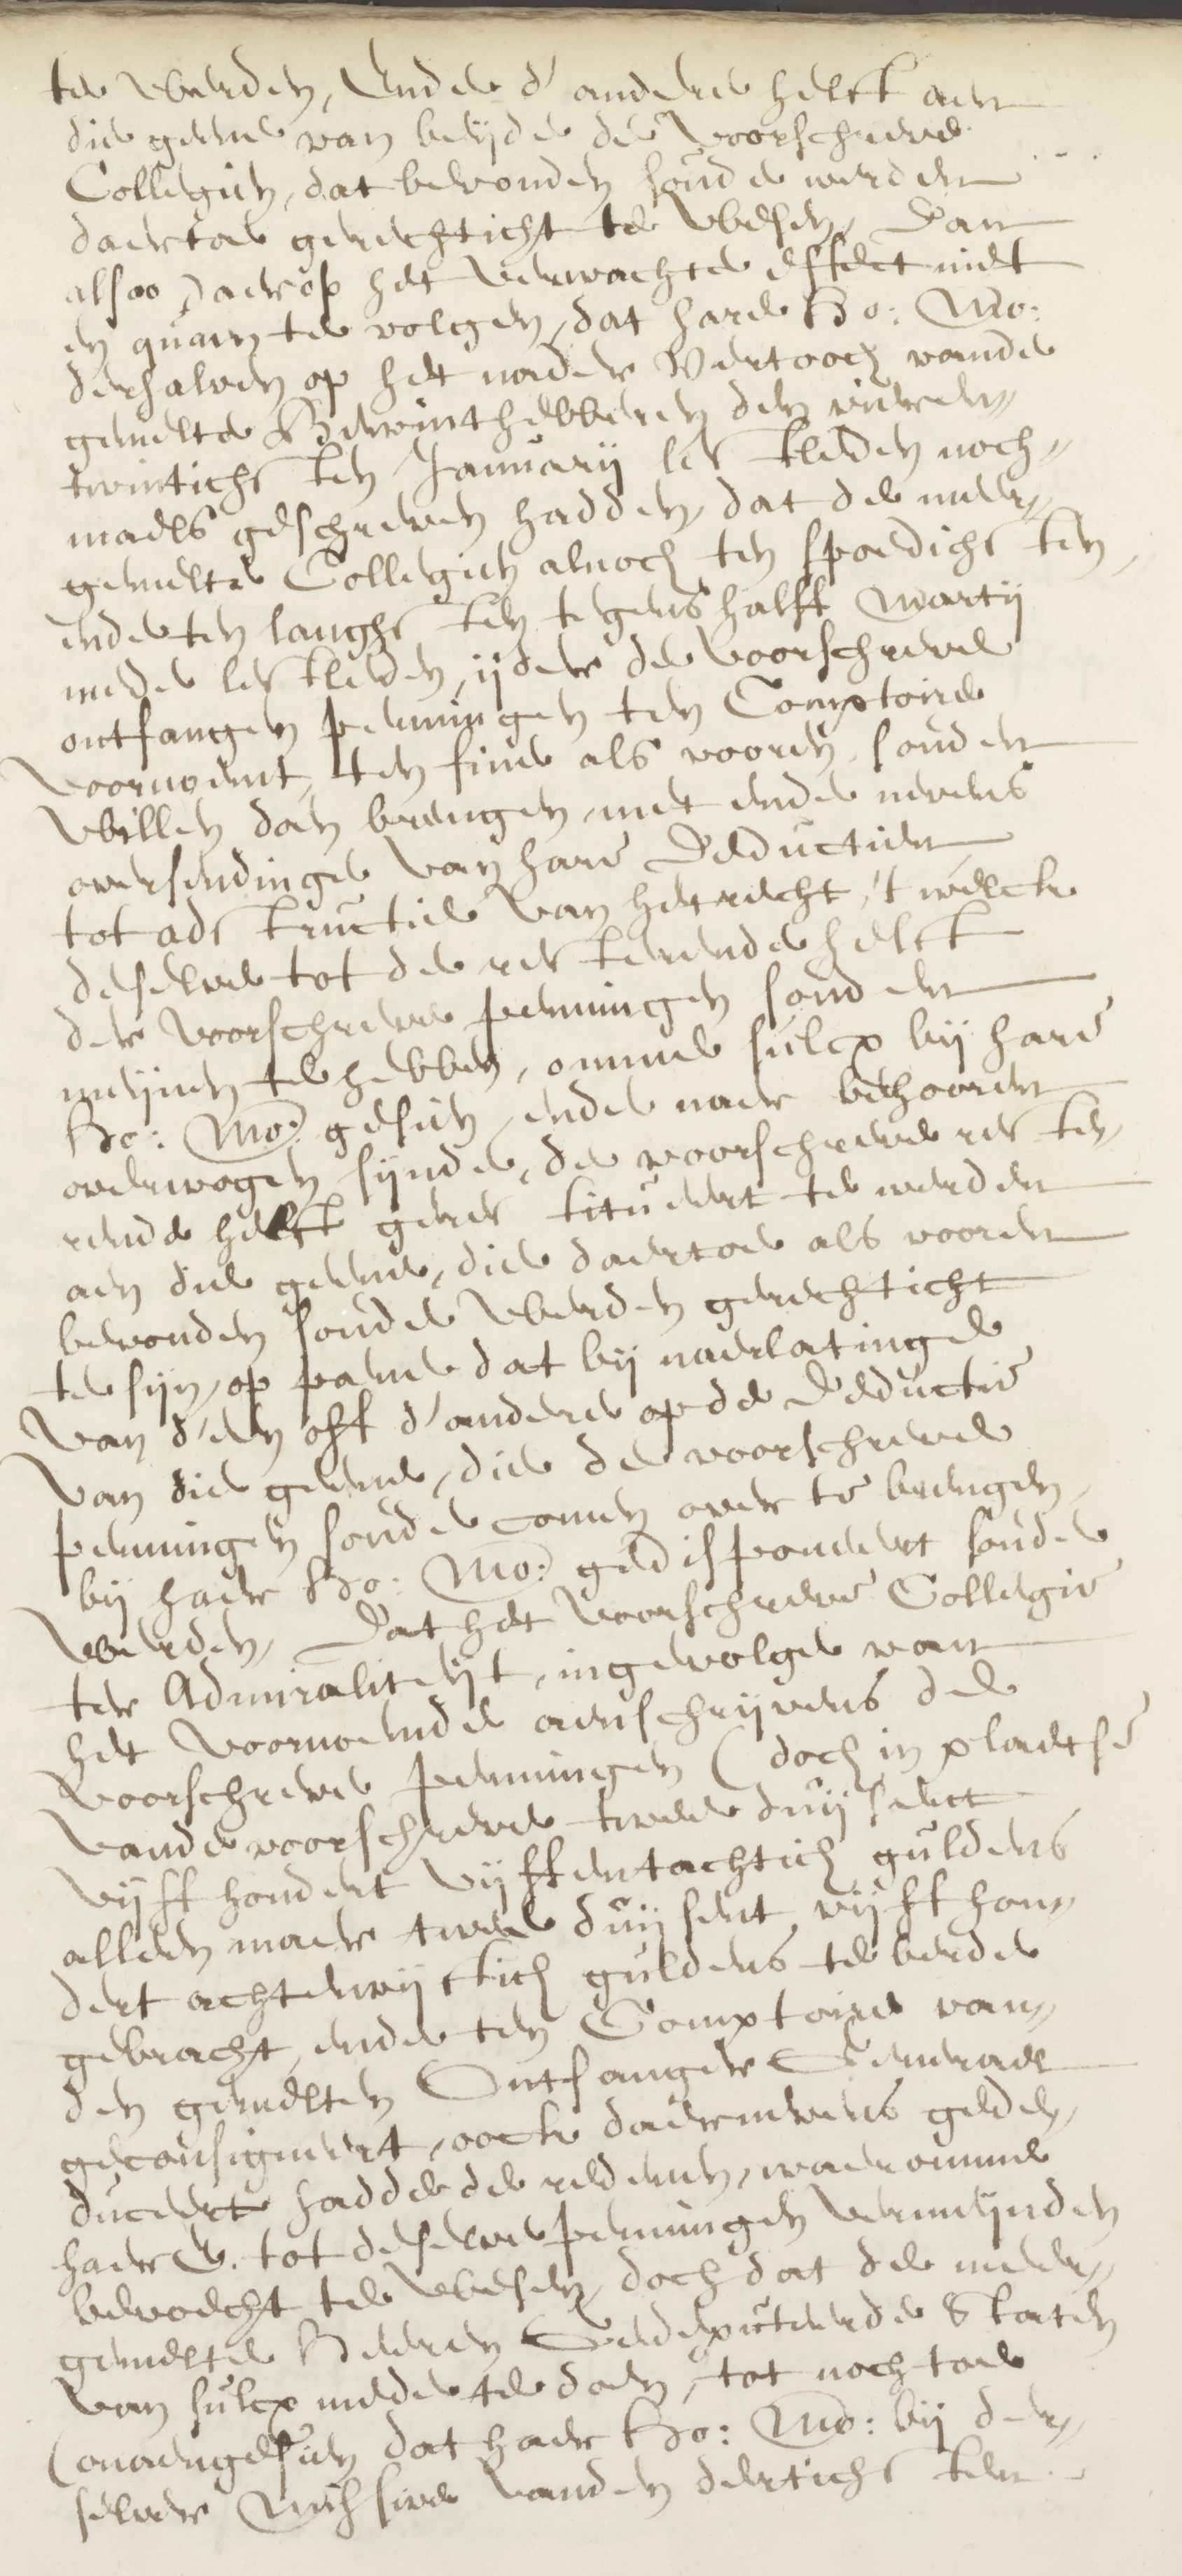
te werden, ende d'andere helft aen
die geene van beijde de voorschreve
Collegien, dat bevonden soude werden
daertoe gerechticht te wesen. Dan
alsoo daerop het verwachte effect niet
en quam te volgen, dat hare Ho:Mo:
derhalven op het nader Vertooch vande
gemelte Bewinthebberen den vieren,,
twintichsten Januarij lestleden noch„
maels geschreven hadden, dat de meer„
gemelte Collegien alnoch ten spoedichtsten
ende ten langhsten tegens halff Martij
mede lestleden, ijder de voorschreve
ontfangen penningen ten Comptoire
voornoemt ten fine als vooren souden
willen doen brengen, met ende nevens
oversendinge van hare Deductien
tot adstructie van het recht, 't welck
deselve tot de resterende helft
der voorschreve penningen souden
meijnen te hebben, omme sulcx bij hare
Ho:Mo: gesien, ende naer behooren
overwogen sijnde, de voorschreve reste,
rende helft gerestitueert te werden
aen die geene, die daertoe als vooren
bevonden soude werden gerechticht
te sijn, op pæne dat bij naerlatinge
van d‛een oft d'andere opde Deductie
van die geene, die de voorschreve
penningen soude comen over te brengen
bij haer Ho:Mo: gedisponeert soude
werden, Dat het voorschreve Collegie
ter Admiraliteijt, ingevolge van
het voornoemde aenschrijvens de
voorschreve penningen (doch in plaetse
vande voorschreve twee duijsent
vijff hondert vijffentachtich guldens
alleen maer twee duijsent vijffhon„
dert achtenvijftich guldens te berde
gebracht ende ten Comptoire van,,
den gemelten Ontfanger Generael
geconsigneert, oock daernevens geden,,
diceert hadde de redenen, waeromme
haer E. tot deselve penningen vermeijnden
bevoecht te wesen, doch dat de meer„
gemelte Heeren Gedeputeerde Staten
van sulcx mede te doen, tot noch toe
(onaengesien dat haer Ho:Mo: bij der„
selver missive vanden dertichsten
